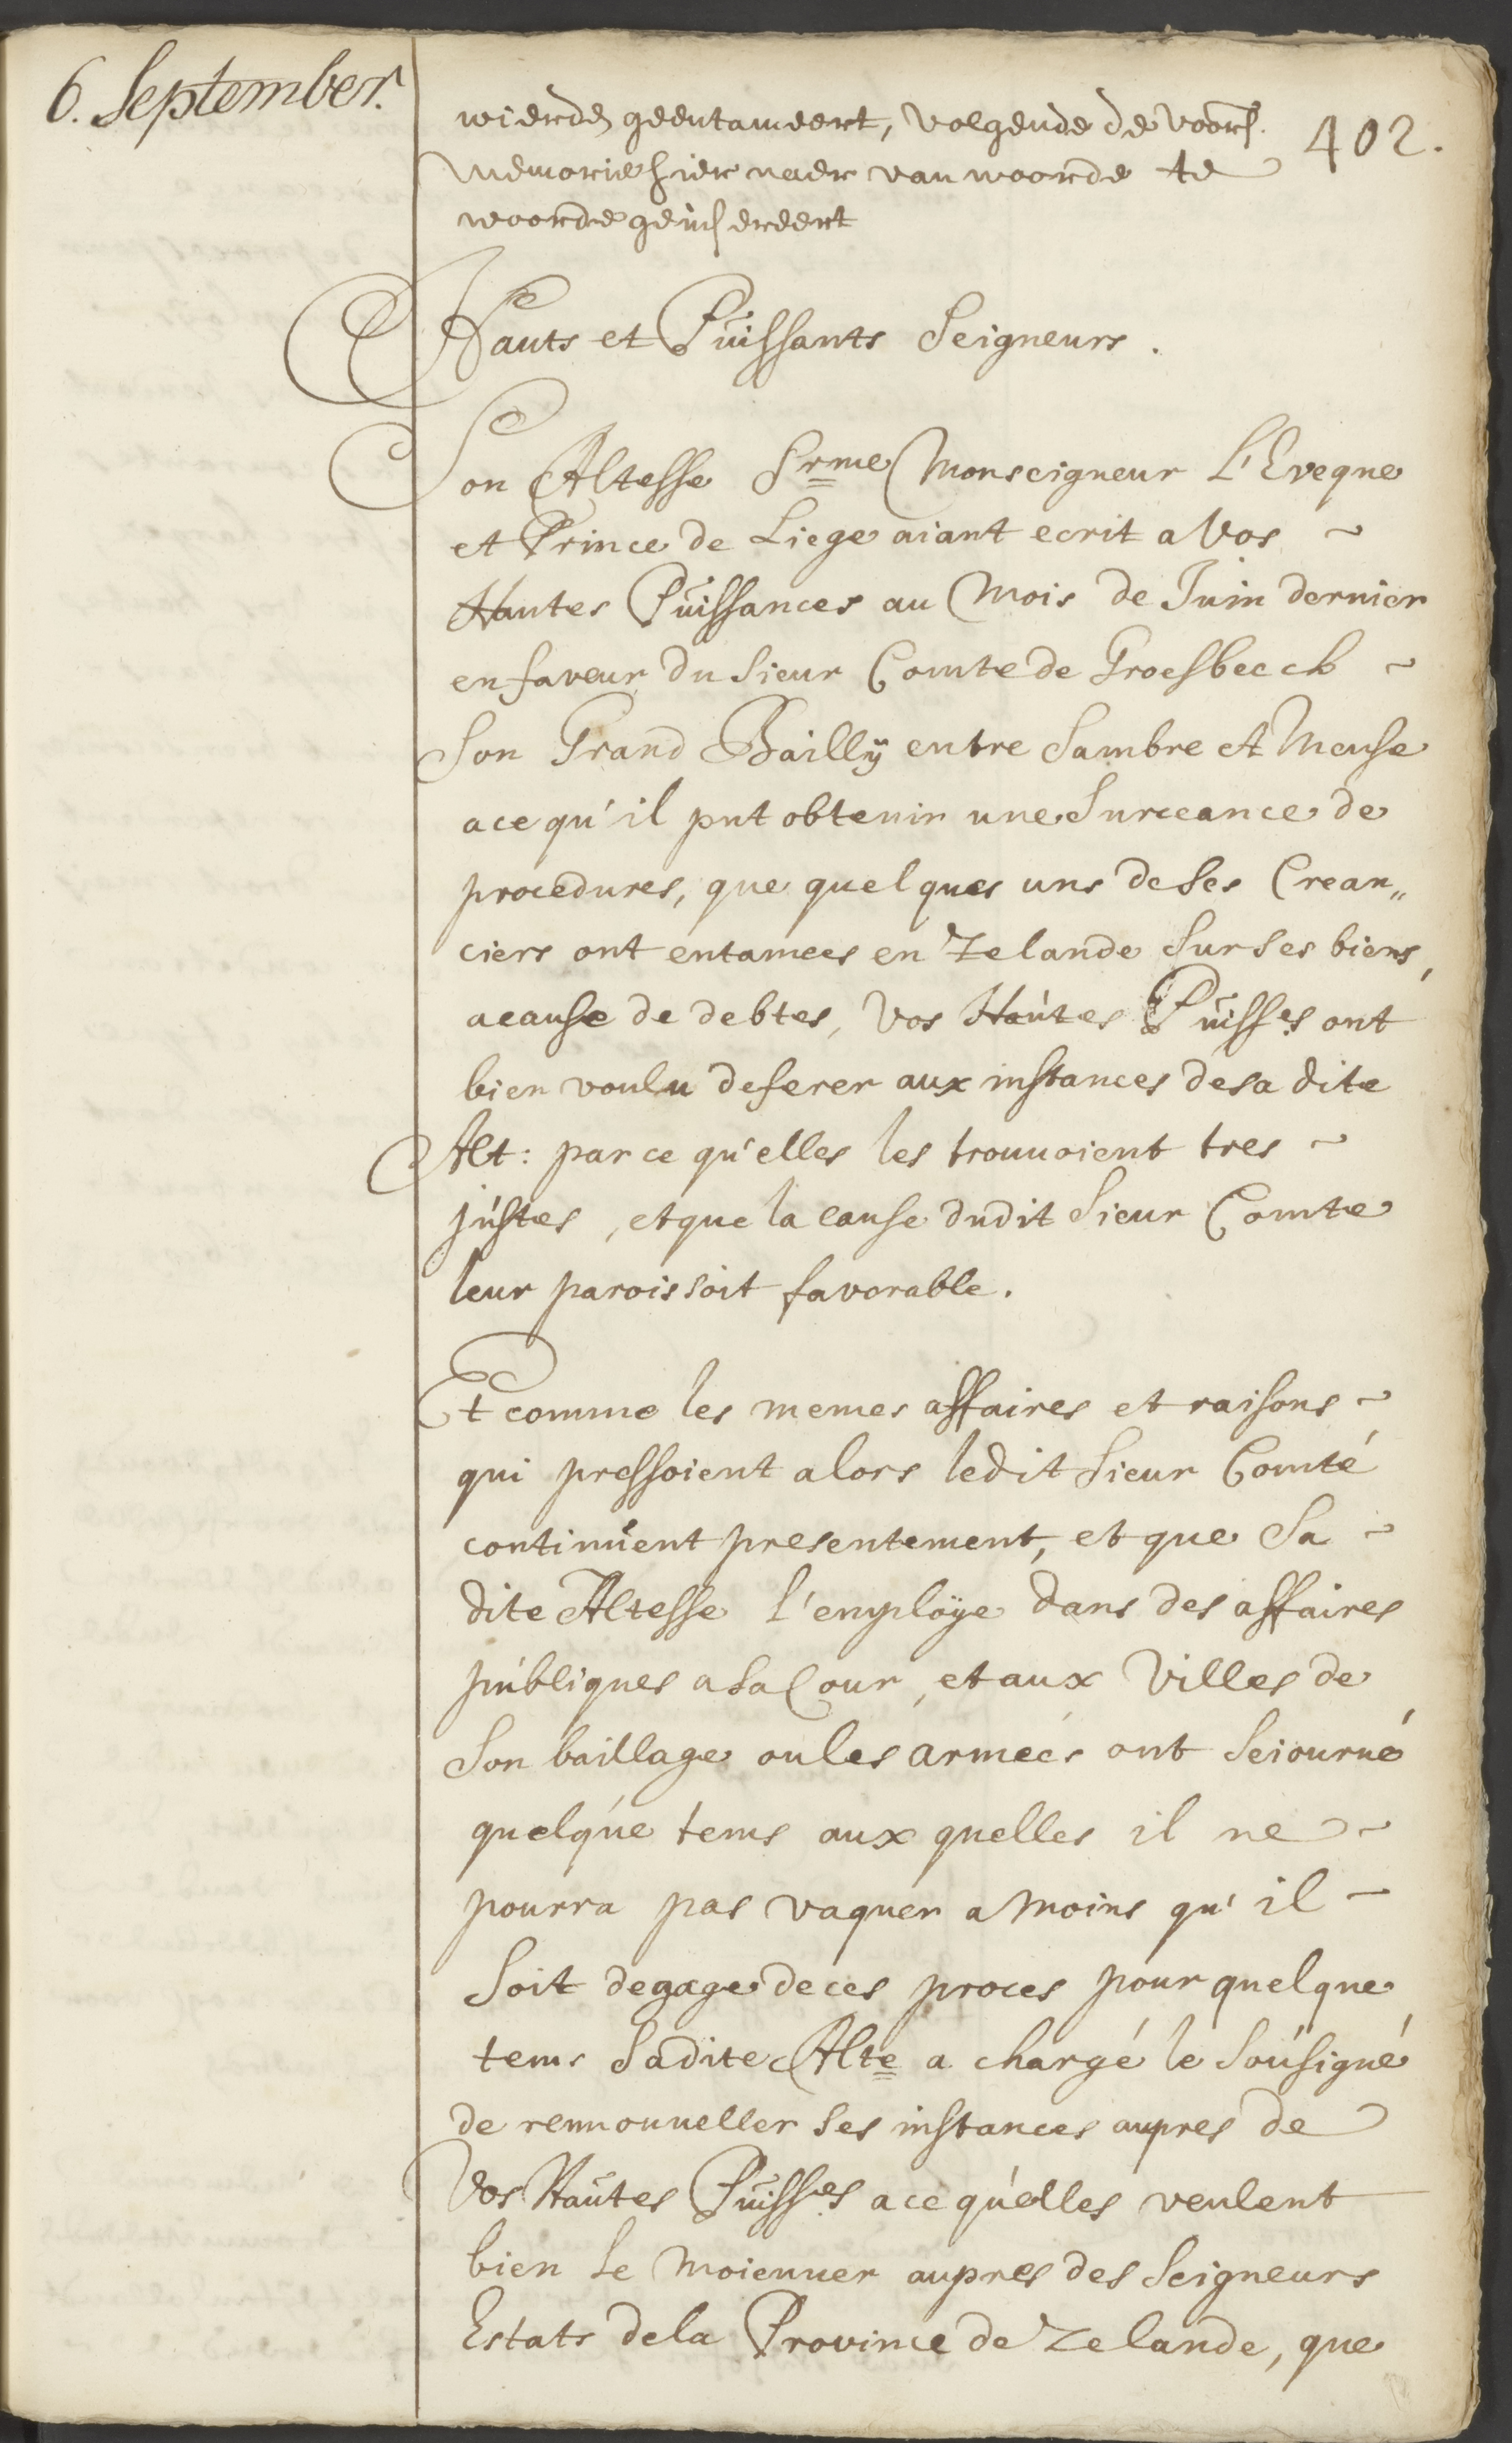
402.
6. September.
wierden geentameert, volgende de voors.
memorie hier naer van woorde te
woorde geinsereert
Hauts et Puissants Seigneur
Son Altesse Srme Monseigneur L'Eveque
et Prince de Liege aiant ecrit avos
Hautes Puissances au mois de Juin dernier
en faveur du sieur Comté de Groesbeeck
Son Grand Baillij entre Sambre A Meuse
a ce qu'il put obtenir une surceance de
procedures, que quelques uns de ses Crean,,
ciers ont entamees en Zelande sur ses biens
a cause de debtes, vos Haute Puisses ont
bien voulu deferer aux instance de sa dite
Alt: parce qu'elles les trouvoient tres
justes, et que la cause dudit Sieur Comte
leur paroissoit favorable.
Et comme le memes affaires et raisons
qui pressoient alors ledit Sieur Comté
continuent presentement, et que Sa„
dite Altesse, L'emploijé dans des affaires
publiques a sa Cour, et aux Villes de
son baillage ou les armees, ont seiourné
quelque tems aux quelles il ne
pourra pas vaquer a moins qu'il -
Soit degage de ces proces pour quelque
tems sadite Alte a chargé le sousigné
de rennouveller ses instances aupres de
Vos Hautes Puisses a ce qu'elles veulent
bien le moienner aupres des Seigneurs
Estats de la Province de Zelande, que
